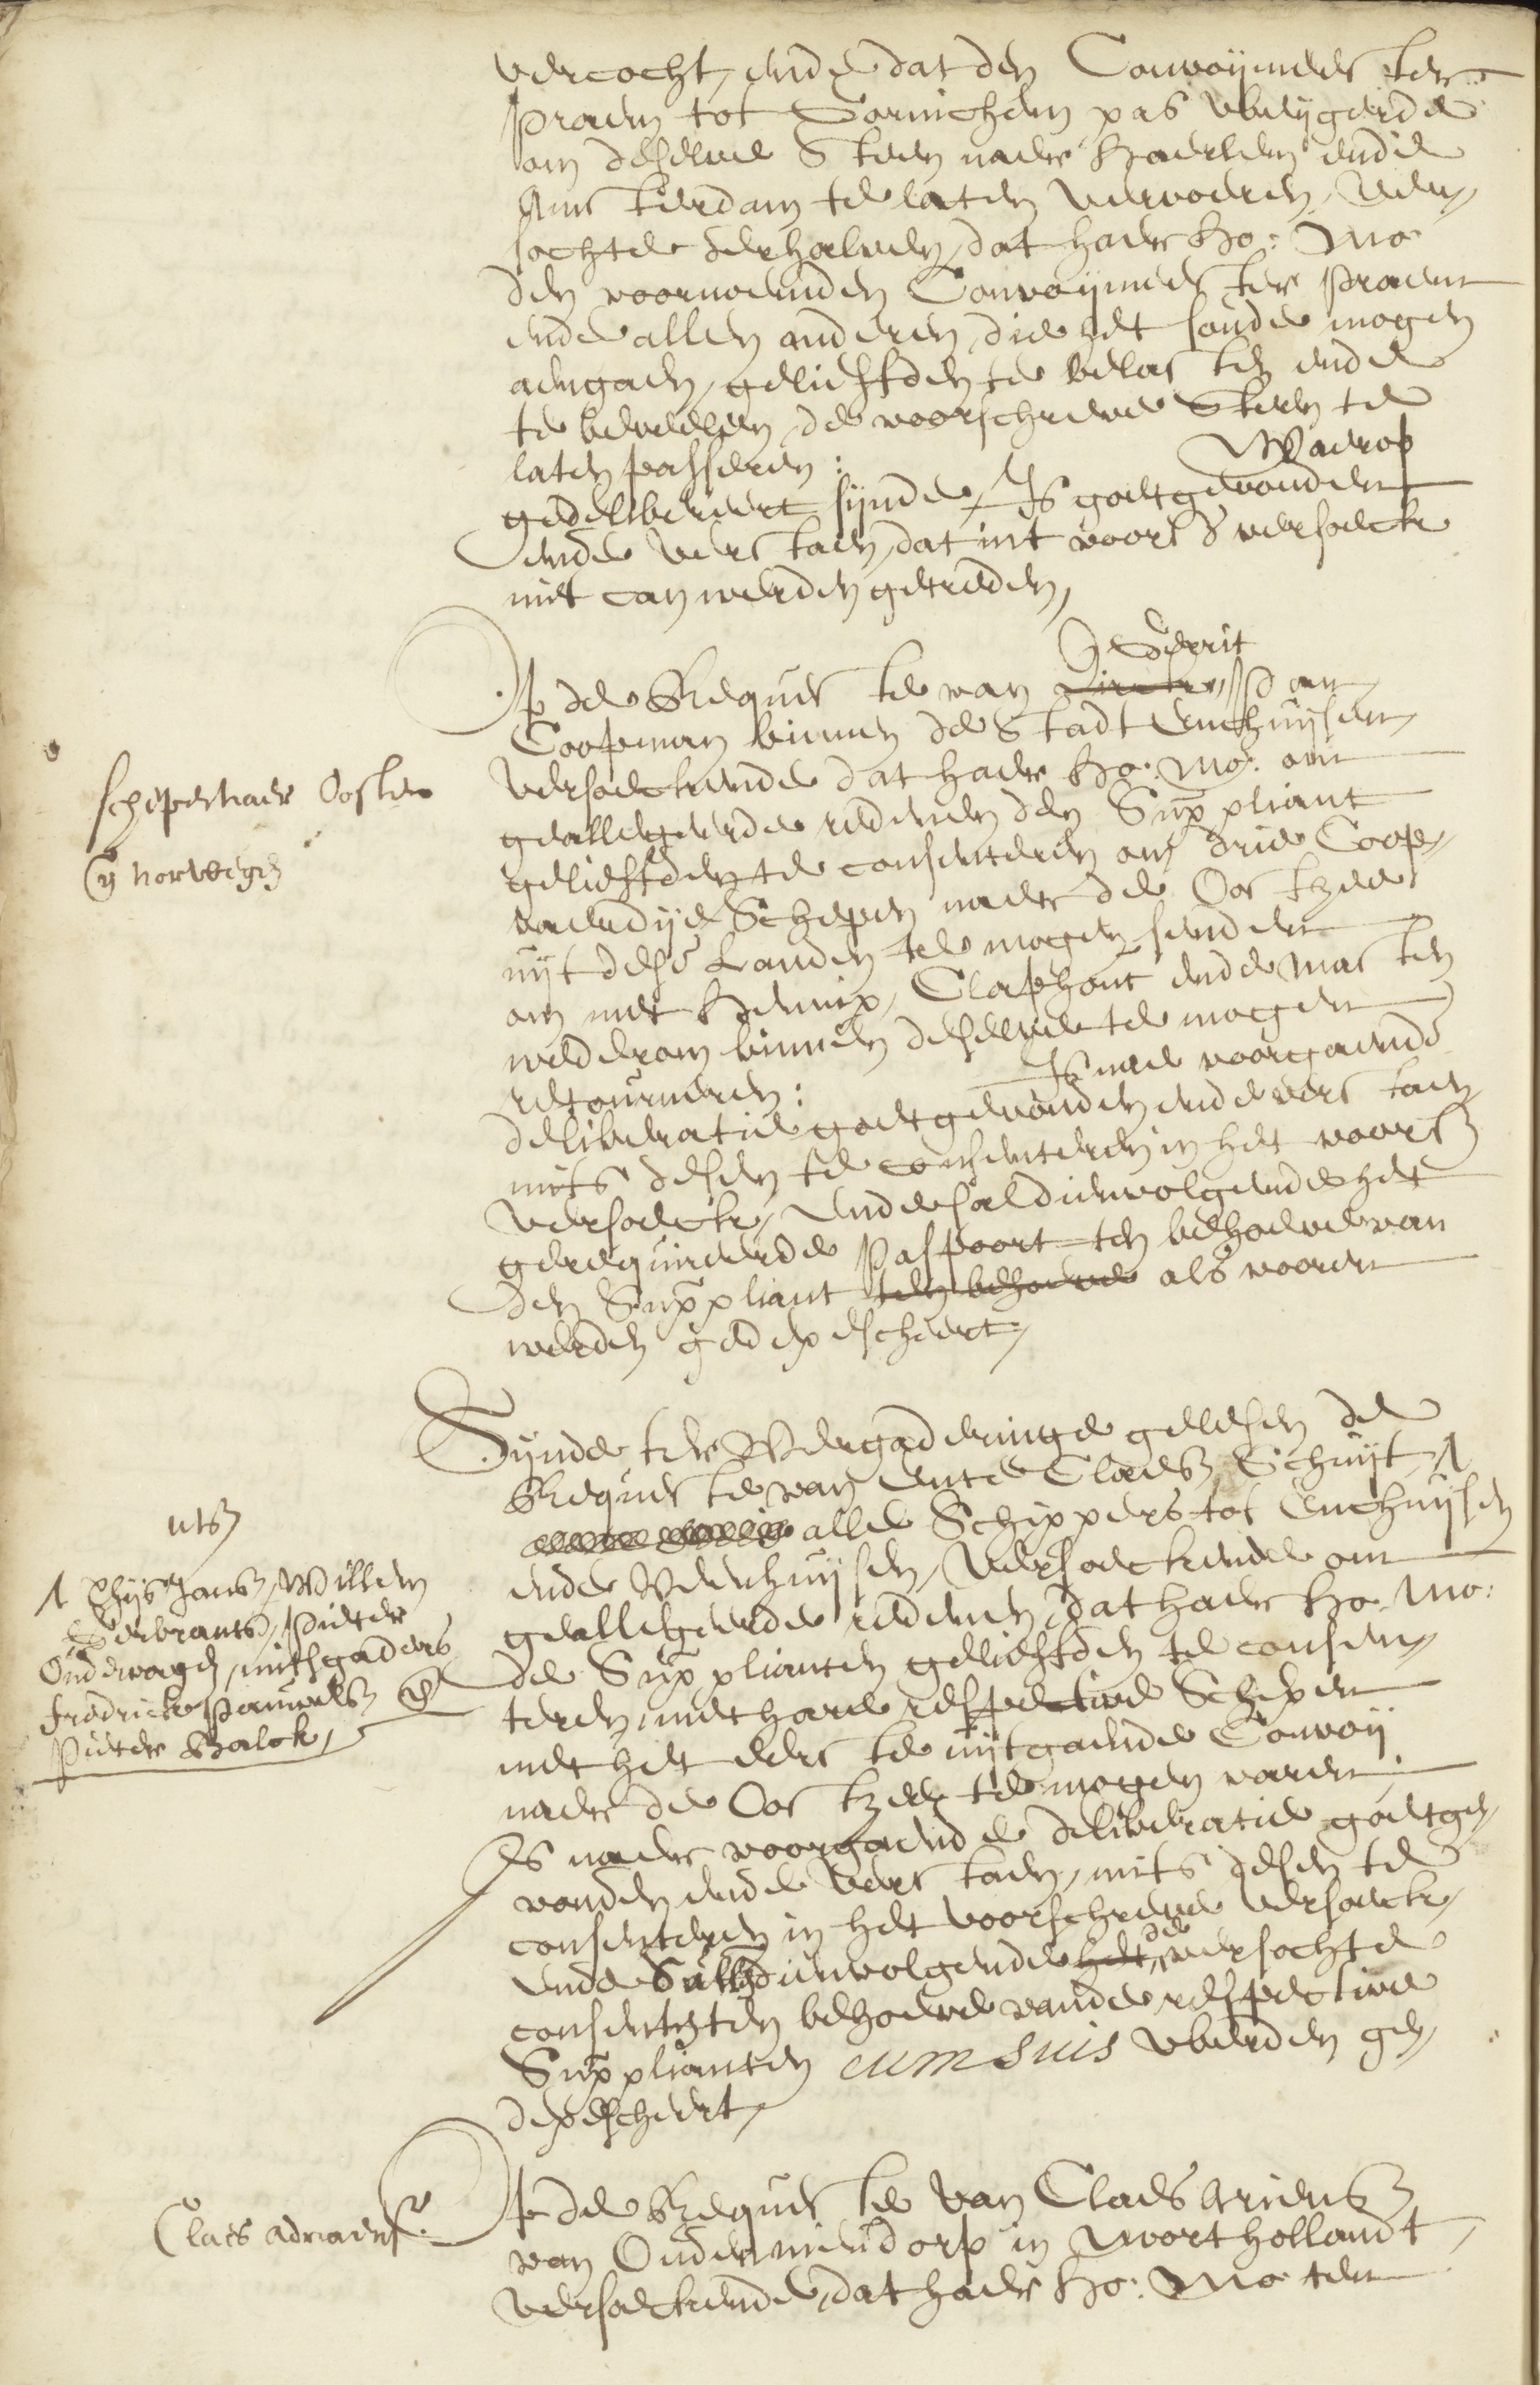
vercocht, ende dat den Convoijmeester
Praem tot Gornichem pas weijgerde
om deselve Steen naer Haerlem ende
Amsterdam te laten vervoeren, ver„
sochte derhalven, dat haer Ho:Mo:
den voornoemden Convoijmeester Praem
ende allen anderen, die het soude mogen
aengaen, gelieffden te belasten ende
te beveelen, de voorschreve Steen te
laten passeren: Waerop
gedelibereert sijne, Is goetgevonden
ende verstaen, dat int voors versoeck
niet can werden getreden.
schepen naer Oosten
& Norwegen
Gerrit
Op de requeste van Dirck,, Pan
Coopman binnen de Stadt Enchuijsen,
versoeckende dat haer Ho:Mo: om
geallegeerde redenen den Suppliant
gelieffden te consenteren om drie Coop„
vaerdije Schepen naer de Oostzee
uijt dese Landen te mogen senden„
om met Hennip, Claphout ende masten
wederom binnen deselve te mogen
retourneren: Is nae voorgaende
deliberatie goetgevonden ende verstaen
mits desen te consenteren in het voors
versoeck, ende sal dienvolgende het
gerequireerde paspoort ten behoeve van
den suppliant ten behoeve als vooren
werden gedepescheert.
uts
^ Thijs Jans, Willem
Gerbrants, Pieter
Oudewagen, mitsgaders
Fredrick Pauwels &
Pieter Balck.
Sijnde ter Vergaderinge gelesen de
Requeste van Ente Claes Schuijt ^
alle xxxx alle Schippers tot Enchuijsen
ende Veenhuijsen, versoeckende om
geallegeerde redenen, dat haer Ho:Mo:
de Supplianten gelieffden te consen„
teren, met hare respective Schepen
met het eerste uijtgaende Convoij
naer de Oostzee te mogen varen.
Is naer voorgaende deliberatie goetge,,
vonden ende verstaen, mits desen te
consenteren in het voorschreve versoeck„
ende sullen dienvolgende het,, de versochte
consenten ten behoeve vande respective
Supplianten cum suis werden ge,,
depescheert.
Claes adriaens
Op de requeste van Claes Ariens
van Ouden nieudorp in Noorthollandt
versoeckende, dat haer Ho:Mo: ten
